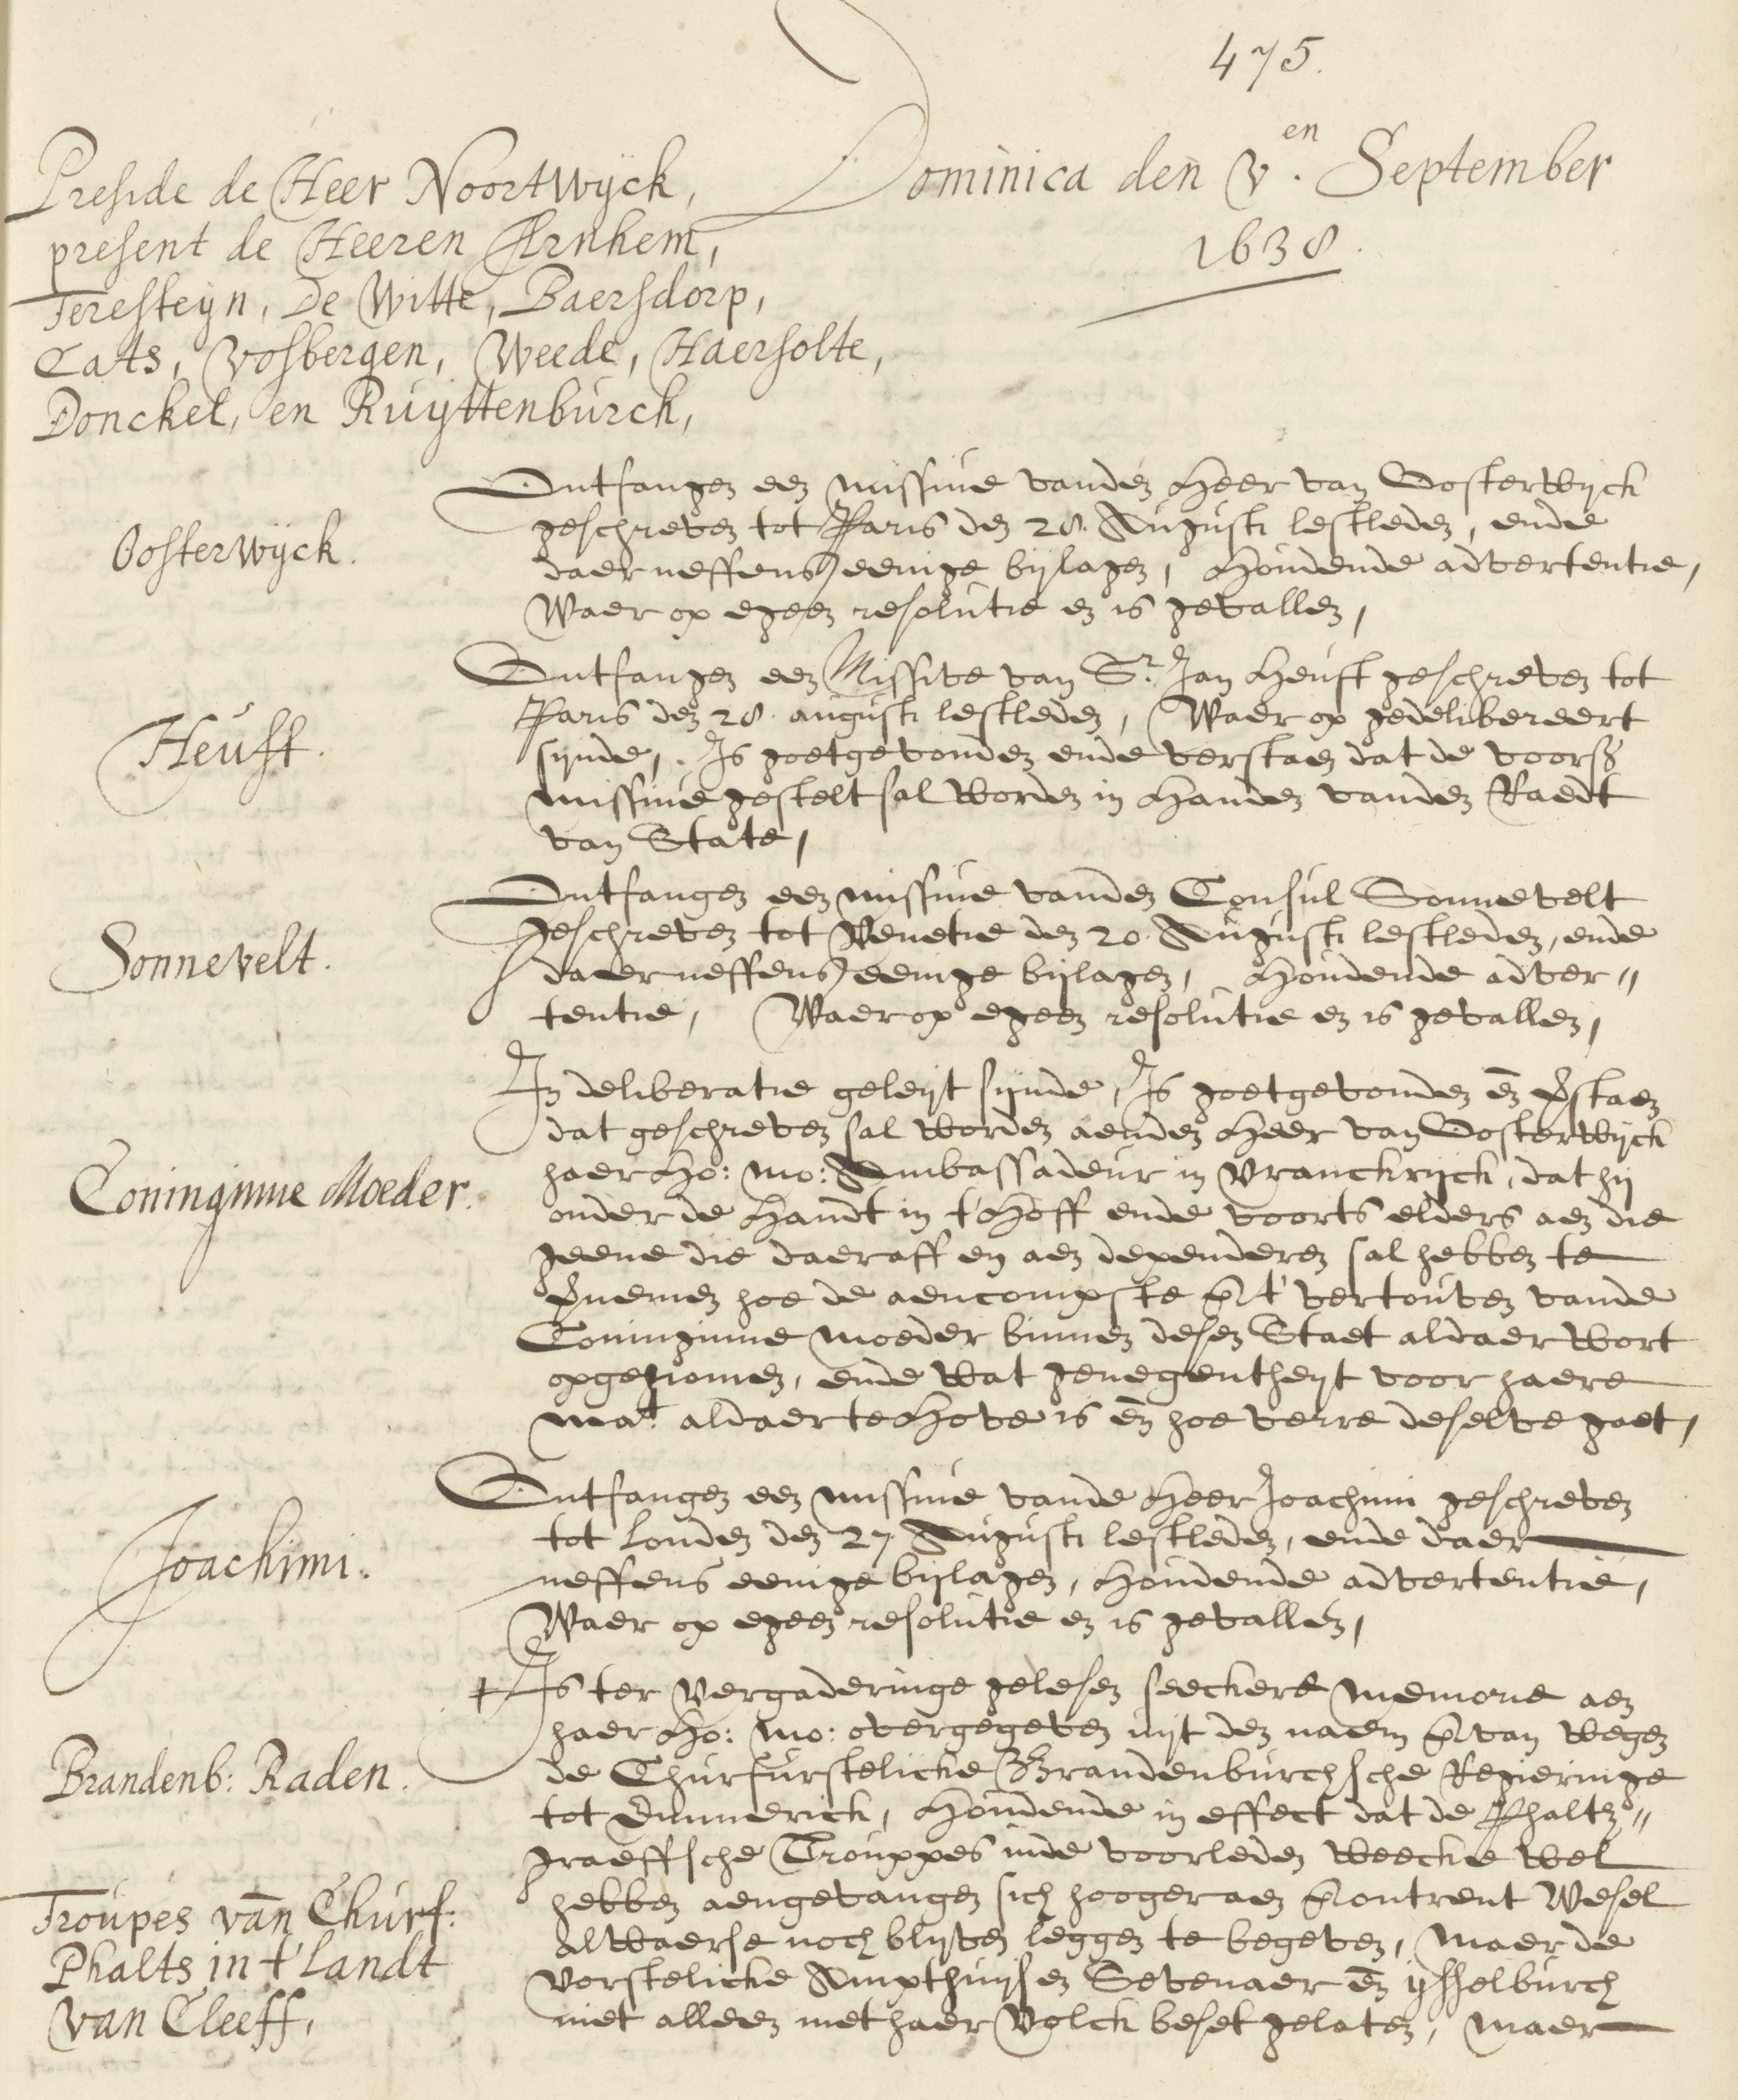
475
Preside de Heer Noortwijck,
present de Heeren Arnhem,
Teresteijn, De Witte, Baersdorp,
Cats, Vosbergen, Weede, Haersolte,
Donckel en Ruyttenburch
Dominica den ven September
1638
Oosterwijck
Ontfangen een missive vanden heer van Oosterwijck
geschreven tot Paris den 28. Augusti lestleden, ende
daer neffens eenige bijlagen, houdende advertentie,
Waer op egeen resolutie en is gevallen.
Heuft
Ontfangen een Missive van Sr Jan Heuft geschreven tot
Paris den 28 augusti lestleden, Waer op gedelibereert
sijnde, Is goetgevonden ende verstaen dat de voorsz
missive gestelt sal worden in handen vande Raedt
van State.
Sonnevelt
Ontfangen een missive vanden Consul Sonnevelt
geschreven tot Venetie den 20. Augusti lestleden, ende
daer neffens eenige bijlagen, houdende adver„
tentie, Waerop egeen resolutie en is gevallen.
Coninginne moeder
In deliberatie geleijt sijnde, Is goetgevonden en vstaen
dat geschreven sal woren aenden heer van Oosterwijck
haer Ho:Mo: Ambassadeur in Vranckrijck, dat hji
onder de handt in t'hoff ende voorts elders aen die
geene die daeraff en aen dependeren sal hebben te
vnemen hoe de aencompste & t'vertouven vande
Coninginne moeder binnen desen Staet aldaer wort
opgenomen, ende wat genegentheijt voor haere
Mat. aldaer te Hove is en hoe verre deselve gaet.
Joachimi.
Ontfangen een missive vande Heer Joachimi geschreven
tot Londen den 27 Augusti lestleden, ende daer
neffens eenige bijlagen, houdende advertentie,
Waer op egeen resolutie en is gevallen.
Brandenb: Raden
Troupes van Churf:
Phalts in t'Landt
van Cleeff.
Is ter vergaderinge gelesen seeckere memorie aen
haer Ho:Mo: overgegeven uijt den naem & van wegen
de Churfurstelicke Brandenburchsche Regieringe
tot Emmerick, houdende in effect dat de Phaltz„
graeffsche Trouppes inde voorleden weecke wel
hebben aengevangen sich hoogeraen & ontrent Wesel
alwaerse noch blijven leggen te begeven, maer de
vorstelicke Ampthuijsen Sevenaer en ijsselburch
niet alleen met haer Volck beset gelaten, maer
